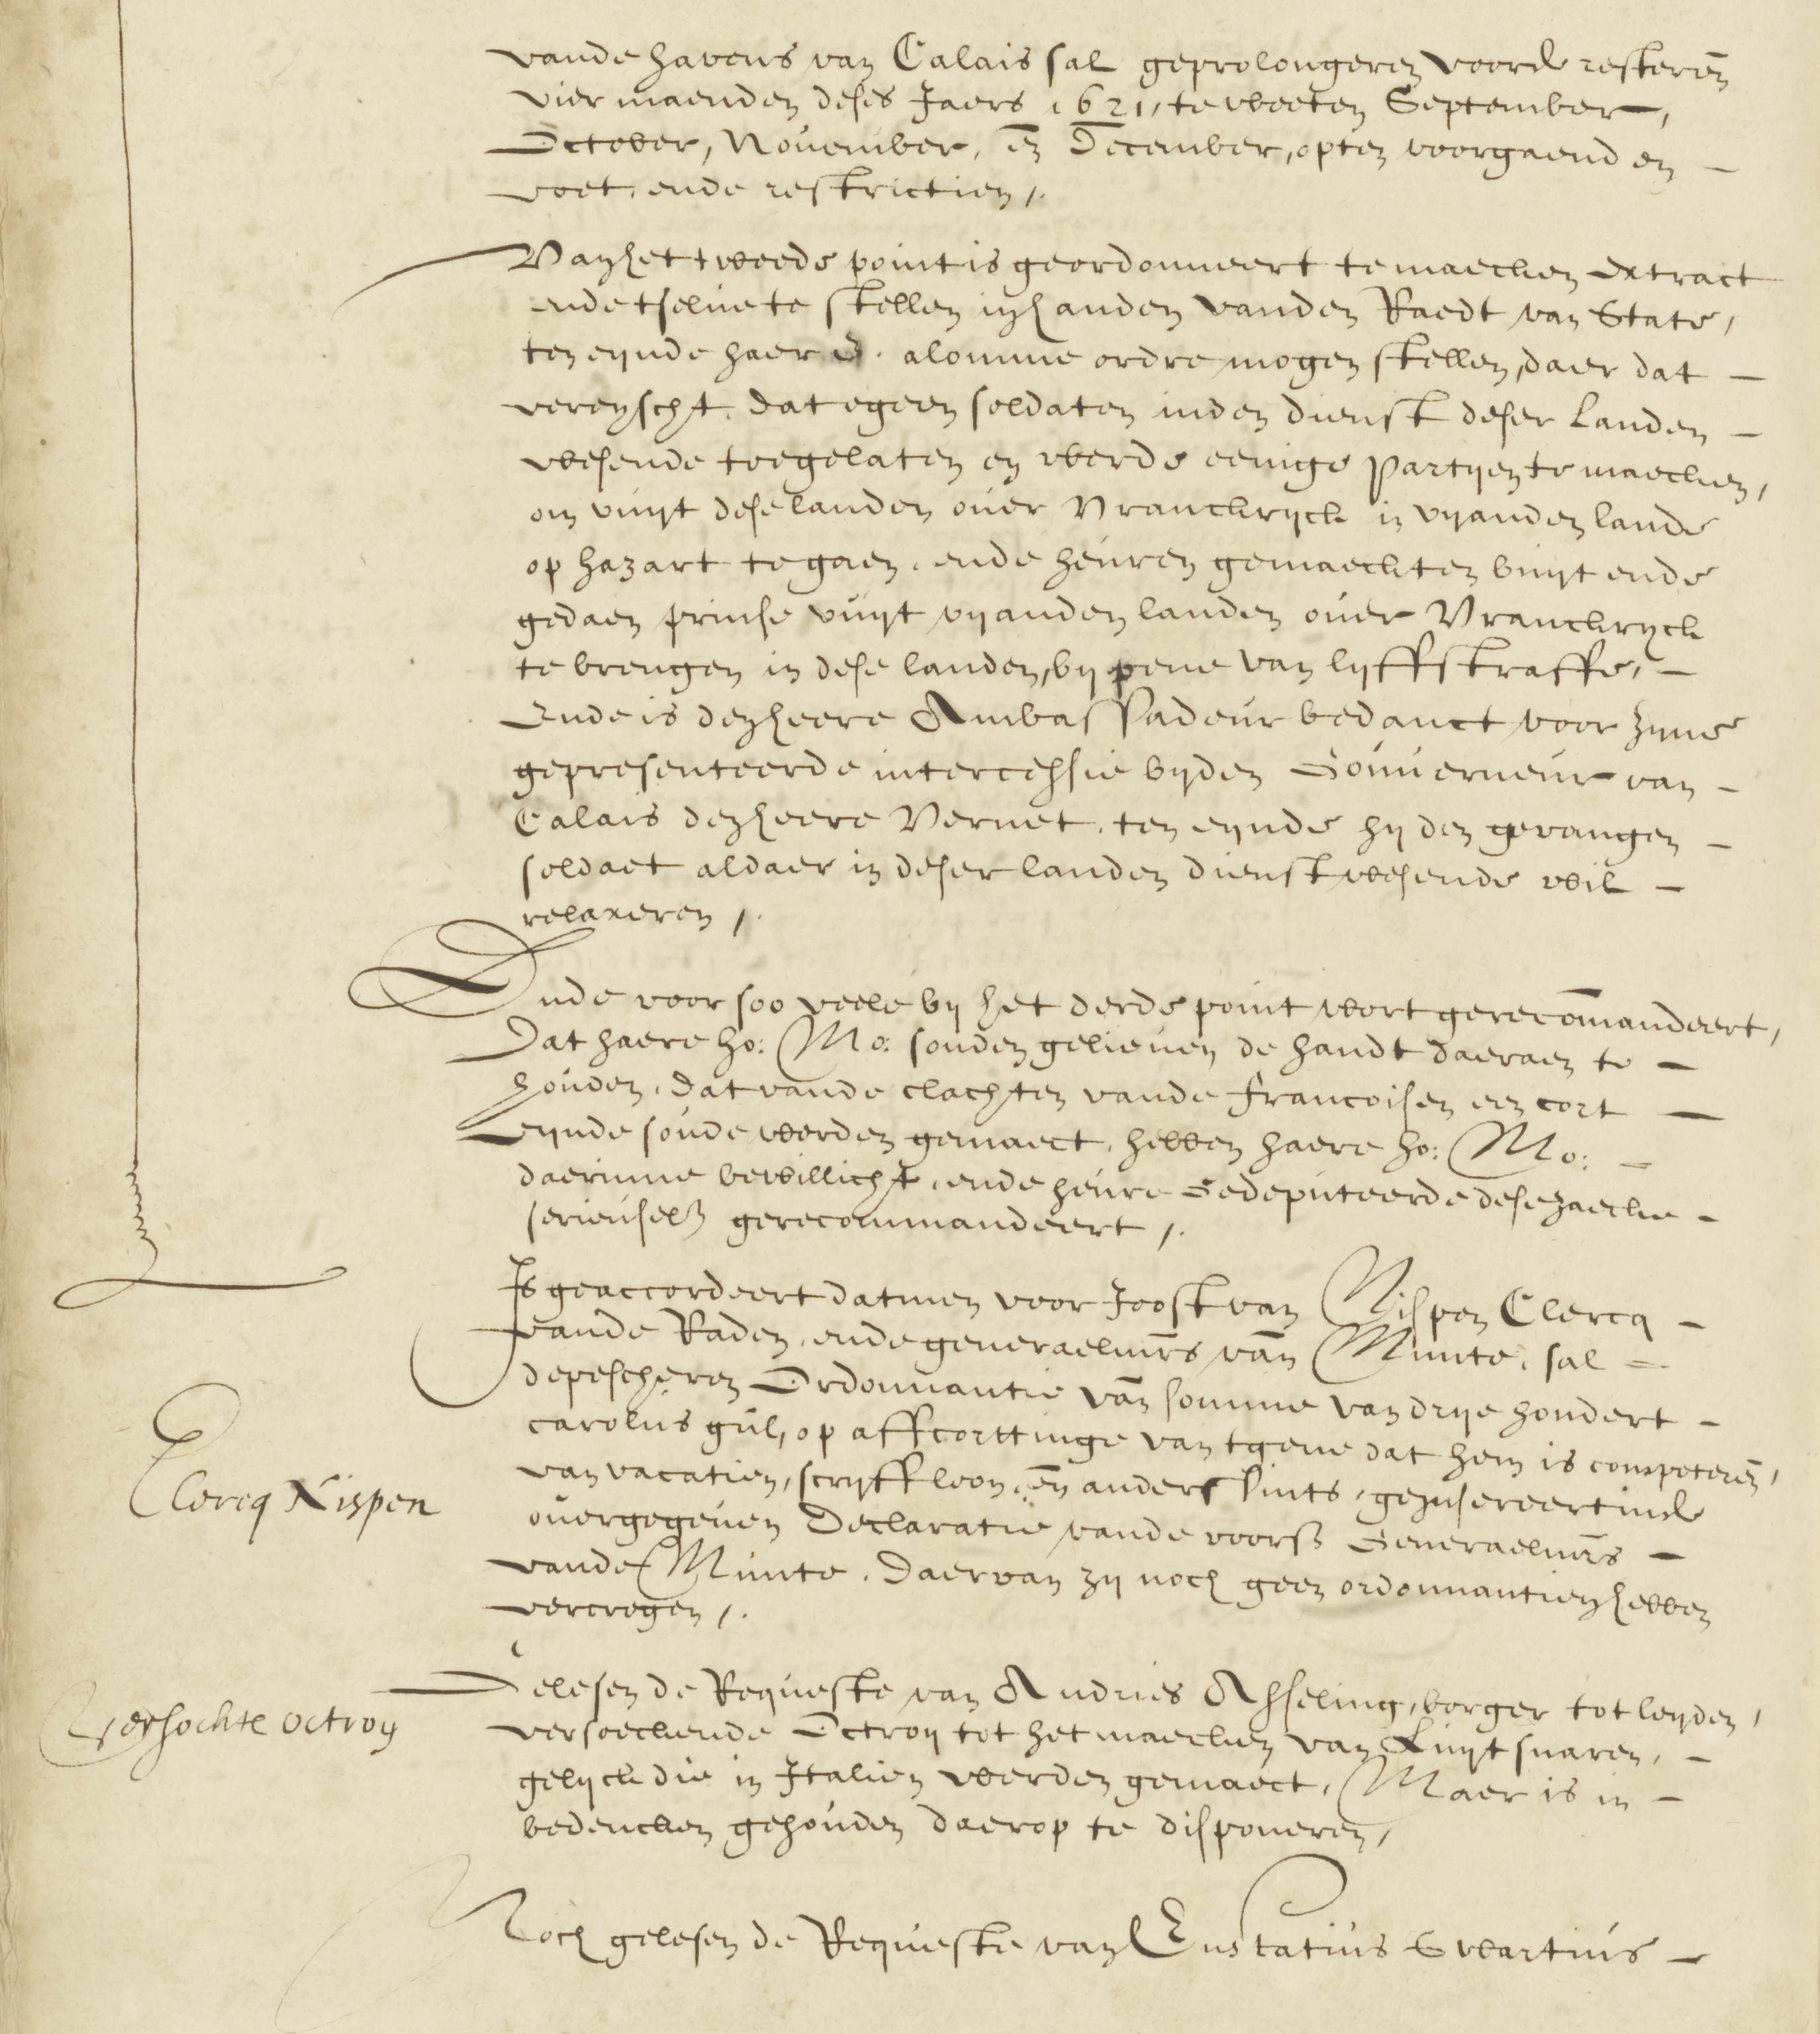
vande havens van Calais sal geprolongeren voorde resteren
vier maenden deses Jaers 1621, te weeten September,
October, Nouember, en December, opten voorgaenden
voet, ende restrictien.
Van het tweede point is geordonneert te maecken extract
ende tselve te stellen in handen vanden Raedt van State,
ten eynde haer E. alomme ordre mogen stellen, daer dat -
vereyscht, dat egeen soldaten inden dienst deser Landen
wesende toegelaten en werde eenige partyen te maecken,
om vuyt dese landen ouer Vranckryck in vyanden lande
op hazart te gaen, ende heuren gemaeckten buyt ende
gedaen prinse vuyt vyanden landen ouer Vranckryck
te brengen in dese landen, by pene van lyffstraffe,
Ende is den heere Ambassadeur bedanct voor zyne
gepresenteerde intercessie byden Gouuerneur van
Calais den heere Vernet, ten eynde hy den gevangen
soldaet aldaer in deser landen dienstwesende wil
relaxeren.
Ende voor soo veele by het derde point wort gerecomandeert,
Dat haere ho:Mo: souden gelieuen de handt daeraen te
houden, dat vande clachten vande francoisen een cort
eynde soude werden gemaect, hebben haere ho:Mo: -
daerinne bewillicht, ende heure Gedeputeerde dese zaecke
serieusel gerecommandeert.
Clercq Nispen
Is geaccordeert datmen voor Joost van Nispen Clercq
vande Raden, ende generaelmrs van Munte, sal
depescheren Ordonnantie van somme van drye hondert
carolus gul, op affcorttinge van tgene dat hem is competeren
van vacatien, scryffloon, en anders sints geinsereert inde
ouergegeven Declaratie vande voors Generaelmrs
vande Munte. Daervan zy noch geen ordonnantien hebben
vercregen.
Versochte octroy
Gelesen de Requeste van Andries Asseling, borger tot leyden,
versoeckende Octroy tot het maecken van Luytsnaren, -
gelyck die in Italien werden gemaect, Maer is in
bedencken gehouden daerop te disponeren.
Noch gelesen de Requeste van Eustatius Swartius
